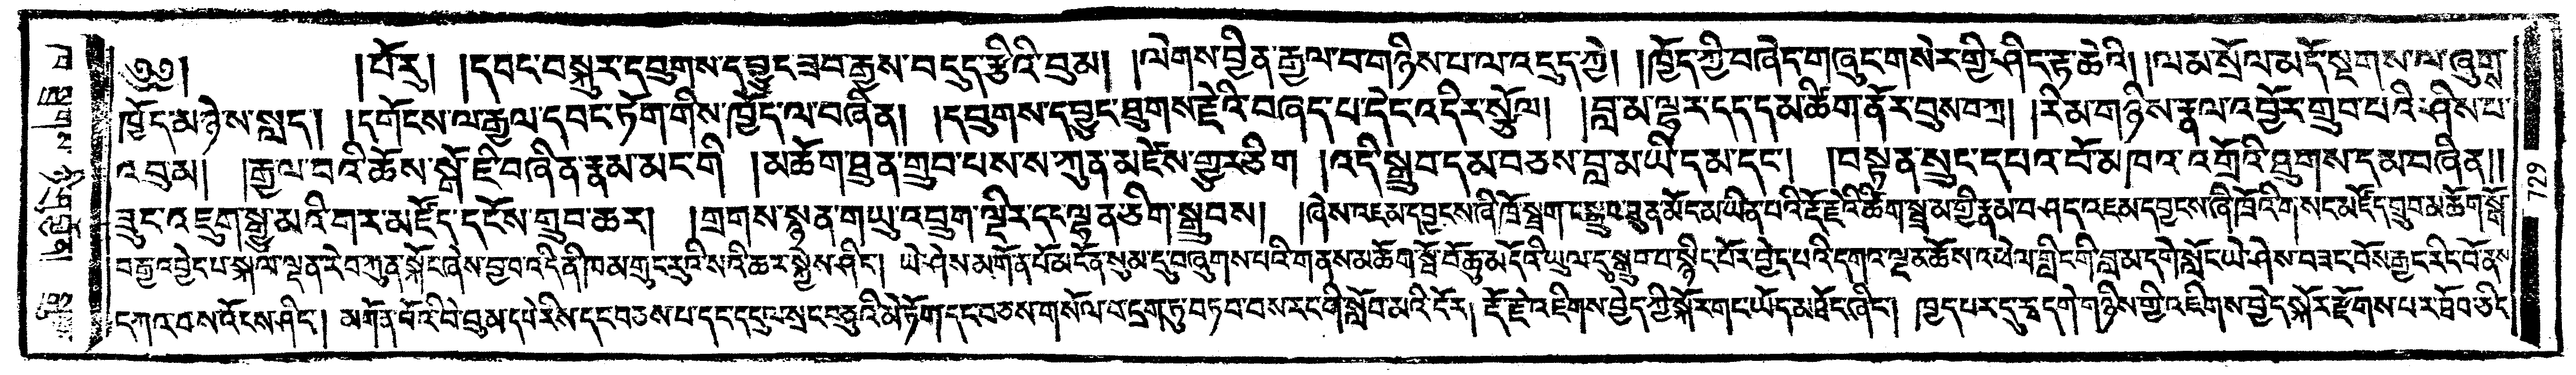༄༅། །པོ་རུ། །དབང་བསྐུར་དབུགས་དབྱུང་ཟབ་རྒྱས་བདུད་རྩིའི་བུམ། །ལེགས་བྱིན་རྒྱལ་བ་གཉིས་པ་ལ་འདུད་ཀྱེ། །ཁྱོད་ཀྱི་བཞེད་གཞུང་གསེར་གྱི་ཤིང་རྟ་ཆེའི། །ལམ་སྲོལ་མདོ་སྔགས་ལ་ཞུགས་
ཁྱོད་མཉེས་སླད། །དགོངས་ལ་རྒྱལ་དབང་ཏོག་གིས་ཁྱོད་ལ་བཞིན། །དབུགས་དབྱུང་ཐུགས་རྗེའི་བཞད་པ་དེང་འདིར་སྩོལ། །བླ་མ་ལྷར་དད་དམ་ཚིག་ནོར་བུས་བཀྲ། །རིམ་གཉིས་རྣལ་འབྱོར་གྲུབ་པའི་ཤིས་པ་
འབུམ། །རྒྱལ་བའི་ཆོས་སྒོ་ཇི་བཞིན་རྣམ་མང་གི །མཆོག་ཐུན་གྲུབ་པས་ས་ཀུན་མཛེས་གྱུར་ཅིག །འདི་སྒྲུབ་དམ་བཅས་བླ་མ་ཡི་དམ་དང་། །བསྟན་སྲུང་དཔའ་བོ་མཁའ་འགྲོའི་ཐུགས་དམ་བཞིན།།
ཟུང་འཇུག་སྒྱུ་མའི་གར་མཛོད་དངོས་གྲུབ་ཆར། །གྲགས་སྙན་གཡུ་འབྲུག་ལྡིར་དང་ལྷན་ཅིག་སྒྲུབས། །ཞེས་འཇམ་དབྱངས་ཞི་ཁྲོ་སྦྲག་བསྒྲུབ་ཐུན་མོང་མ་ཡིན་པའི་རྡོ་རྗེའི་ཚིག་སྦྲམ་གྱི་རྣམ་བཤད་འཇམ་དབྱངས་ཞི་ཁྲོའི་གསང་མཛོད་གྲུབ་མཆོག་སྒོ་
བརྒྱ་འབྱེད་པ་སྐལ་ལྡན་རེ་བ་ཀུན་སྐོང་ཞེས་བྱ་བ་འདི་ནི་ཁམ་གུང་རུའི་སའི་ཆར་སྐྱེས་ཤིང་། ཡེ་ཤེས་མགོན་པོ་མངོན་སུམ་དུ་བཞུགས་པའི་གནས་མཆོག་སྤོ་བོ་ཆུ་མདོའི་ཡུལ་དུ་སྒྲུབ་པ་སྙིང་པོར་བྱེད་པའི་དགའ་ལྡན་ཆོས་འཕེལ་གླིང་གི་བླ་མ་དགེ་སློང་ཡེ་ཤེས་བཟང་པོས་རྒྱང་རིང་པོ་ནས་
དཀའ་བས་འོངས་ཤིང་། མགོན་པོའི་བེ་བུམ་དཔེ་རིས་དང་བཅས་པ་དང་དངུལ་སྲང་བཅུའི་མེ་ཏོག་དང་བཅས་གསོལ་བ་དྲག་ཏུ་བཏབ་བས་རང་གི་སློབ་མའི་ངོར། རྡོ་རྗེ་འཇིགས་བྱེད་ཀྱི་སྐོར་གང་ཡོད་མཐོང་ཞིང་། ཁྱད་པར་དུ་རྭ་དགེ་གཉིས་ཀྱི་འཇིགས་བྱེད་སྐོར་རྫོགས་པར་ཐོབ་ཅིང་